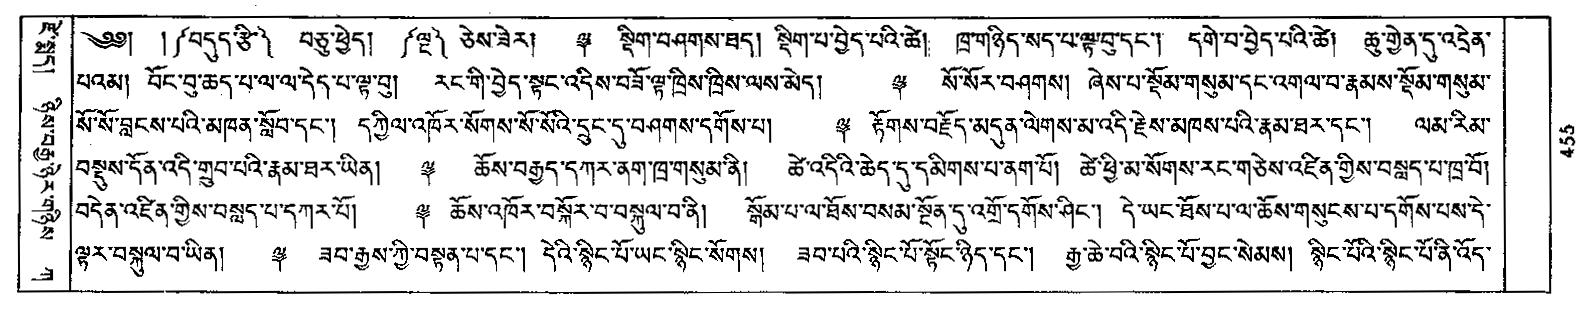༄༅། །༼བདུད་རྩ྄ི་བཅུ་ཕྱེད། ༽ལྔ྄་ཅེས་ཟེར། ༈ སྡིག་བཤགས་ཐད། སྡིག་པ་བྱེད་པའི་ཚེ། ཁྲ་གཉིད་སད་པ་ལྟ་བུ་དང་། དགེ་བ་བྱེད་པའི་ཚེ། ཆུ་གྱེན་དུ་འདྲེན་
པའམ། བོང་བུ་ཆད་པ་ལ་ལ་དེད་པ་ལྟ་བུ། རང་གི་བྱེད་སྟང་འདིས་བཟོ་ལྟ་ཁྲིས་ཁྲིས་ལས་མེད། ༈ སོ་སོར་བཤགས། ཞེས་པ་སྡོམ་གསུམ་དང་འགལ་བ་རྣམས་སྡོམ་གསུམ་
སོ་སོ་བླངས་པའི་མཁན་སློབ་དང་། དཀྱིལ་འཁོར་སོགས་སོ་སོའི་དྲུང་དུ་བཤགས་དགོས་པ། ༈ རྟོགས་བརྗོད་མདུན་ལེགས་མ་འདི་རྗེས་མཁས་པའི་རྣམ་ཐར་དང་། ལམ་རིམ་
བསྡུས་དོན་འདི་གྲུབ་པའི་རྣམ་ཐར་ཡིན། ༈ ཆོས་བརྒྱད་དཀར་ནག་ཁྲ་གསུམ་ནི། ཚེ་འདིའི་ཆེད་དུ་དམིགས་པ་ནག་པོ། ཚེ་ཕྱི་མ་སོགས་རང་གཅེས་འཛིན་གྱིས་བསླད་པ་ཁྲ་བོ།
བདེན་འཛིན་གྱིས་བསླད་པ་དཀར་པོ། ༈ ཆོས་འཁོར་བསྐོར་བ་བསྐུལ་བ་ནི། སྒོམ་པ་ལ་ཐོས་བསམ་སྔོན་དུ་འགྲོ་དགོས་ཤིང་། དེ་ཡང་ཐོས་པ་ལ་ཆོས་གསུངས་པ་དགོས་པས་དེ་
ལྟར་བསྐུལ་བ་ཡིན། ༈ ཟབ་རྒྱས་ཀྱི་བསྟན་པ་དང་། དེའི་སྙིང་པོ་ཡང་སྙིང་སོགས། ཟབ་པའི་སྙིང་པོ་སྟོང་ཉིད་དང་། རྒྱ་ཆེ་བའི་སྙིང་པོ་བྱང་སེམས། སྙིང་པོའི་སྙིང་པོ་ནི་འོད་